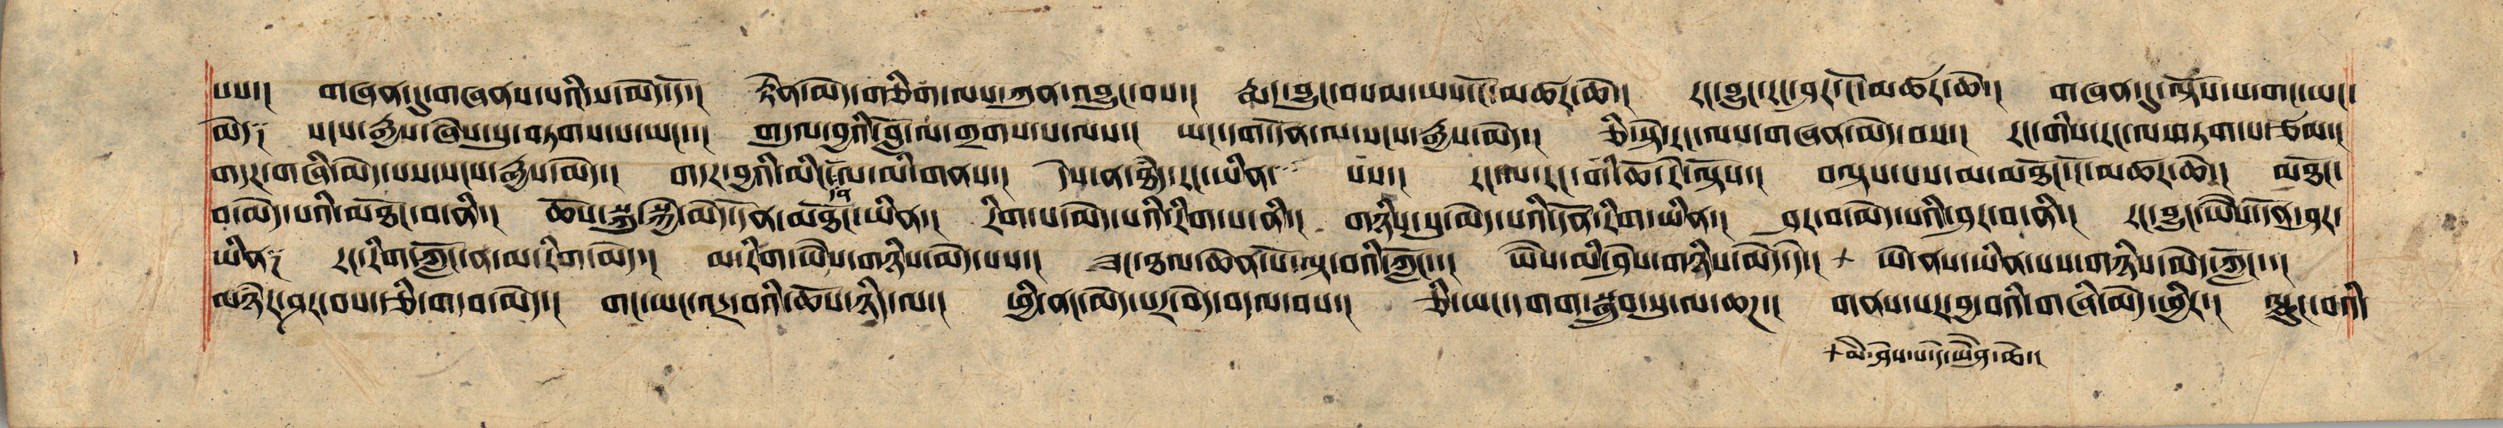པས་། གཞན་དུ་གཞནས་པའི་ས་མེད་དོ་། རྟེན་མེད་གཅིག་ལས་ཀུན་འབྱུང་བས་། རྨད་བྱུང་བསམ་ཡས་ངོ་མཚར་ཆེ་། རང་བྱུང་རང་ཤར་ངོ་མཚར་ཆེ་། གཞན་དུ་ལྟོས་པ་གང་ཡང་
མེད་༑ སངས་རྒྱས་ཞེས་སུ་བཏགས་པ་ཡང་་། གདུལ་བྱའི་བློ་ལ་གྲགས་པ་ལས་། ཡང་དག་དོན་ལ་སངས་རྒྱས་མེད་། ཅི་སྟེ་རང་ལས་གཞན་མེད་བས་། རང་གིས་རང་ལ་གཏག་པ་ཙམ་།
གདཌ་གཞི་མེད་པས་སངས་རྒྱས་མེད་། གདཌ་བྱའི་མིང་དོན་ལ་མི་གནས་། དེས་ན་ཐཾད་རང་ཡིན་ པས་། རང་ལ་རང་གི་ཆོ་རེ་ལྟོས་། བལྟས་པས་མ་མཐོང་ངོ་མཚར་ཆེ་། མཐོང་
བ་མེད་པའི་མཐོང་བ་ནི་། ཆོས་སྐུ་སྐྱེ་མེད་དོན་མཐོང་ཡིན་། རིག་པ་མེད་པའི་རིག་པ་ནི་། གཉིས་སུ་མེད་པའི་དོན་རིག་ཡིན་། ཤར་བ་མེད་པའི་ཤར་བ་ནི་། རང་བྱུང་ཡཻས་དོན་ཤར་
ཡིན༑ རང་རིག་ཀློང་ན་མ་རིག་མེད་། མ་རིག་ཡཻས་གཉིས་མེད་པས་། ཟང་ཐལ་ཆེན་པོ་ལྟ་བའི་ཀློང་་། ཡཻས་མི་ཤེས་གཉིས་མེད་དེ་། ཡེ་ནས་ཡིན་པས་གཉིས་མེད་ཀློང་་།
མཉཾར་ཤར་བས་རྩི་གདབ་མེད་། གང་ཡང་འདྲ་བའི་ཆོས་ཉིད་ལ་། ཕྱི་ནང་མེད་པར་བདེ་བདལ་བས་། ཅི་ཡང་དགག་སྒྲུབ་སུ་ལ་ཆཌ་། གནས་པར་བྱ་བའི་གཞི་མེད་ཕྱིར་། ལྷུང་བའི་